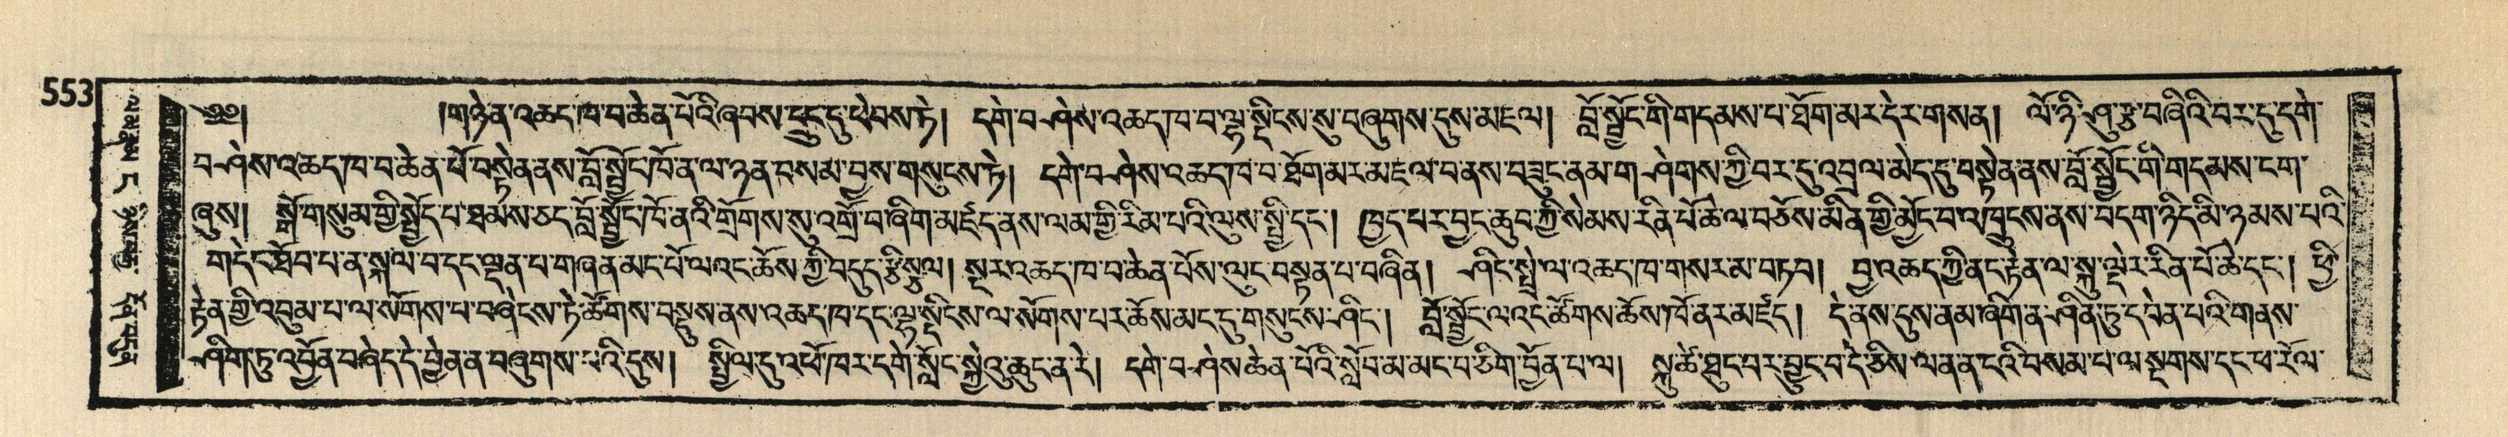༄༅། །གཉེན་འཆད་ཁ་བ་ཆེན་པོའི་ཞབས་དྲུང་དུ་ཕེབས་ཏེ། དགེ་བཤེས་འཆད་ཁ་བ་ལྷ་སྡིངས་སུ་བཞུགས་དུས་མཇལ། བློ་སྦྱོང་གི་གདམས་པ་ཐོག་མར་དེར་གསན། ལོ་ཉི་ཤུ་རྩ་བཞིའི་བར་དུ་དགེ་
བཤེས་འཆད་ཁ་བ་ཆེན་པོ་བསྟེན་ནས་བློ་སྦྱོང་ཁོ་ན་ལ་ཉན་བསམ་བྱས་གསུངས་ཏེ། དགེ་བཤེས་འཆད་ཁ་བ་ཐོག་མར་མཇལ་བ་ནས་བཟུང་ནམ་གཤེགས་ཀྱི་བར་དུ་འབྲལ་མེད་དུ་བསྟེན་ནས་བློ་སྦྱོང་གི་གདམས་ངག་
ཞུས། སྒོ་གསུམ་གྱི་སྤྱོད་པ་ཐམས་ཅད་བློ་སྦྱོང་ཁོ་ནའི་གྲོགས་སུ་འགྲོ་བ་ཞིག་མཛད་ནས་ལམ་གྱི་རིམ་པའི་ལུས་སྤྱི་དང་། ཁྱད་པར་བྱང་ཆུབ་ཀྱི་སེམས་རིན་པོ་ཆེ་ལ་བཅོས་མིན་གྱི་མྱོང་བ་འཁྲུངས་ནས་བདག་ཉིད་མི་ཉམས་པའི་
གདེང་ཐོབ་པ་ན་སྐལ་བ་དང་ལྡན་པ་གཞན་མང་པོ་ལའང་ཆོས་ཀྱི་བདུད་རྩི་སྩལ། སྔར་འཆད་ཁ་བ་ཆེན་པོས་ལུང་བསྟན་པ་བཞིན། ཤིང་སྤྲེ་ལ་འཆད་ཁ་གསར་མ་བཏབ། བྱ་འཆད་ཀྱི་ནང་རྟེན་ལ་སྐུ་ལྡེར་རིན་པོ་ཆེ་དང་། ཕྱི་
རྟེན་གྱི་འབུམ་པ་ལ་སོགས་པ་བཞེངས་ཏེ་ཚོགས་བསྡུས་ནས་འཆད་ཁ་དང་ལྷ་སྡིངས་ལ་སོགས་པར་ཆོས་མང་དུ་གསུངས་ཤིང་། བློ་སྦྱོང་ལའང་ཚོགས་ཆོས་ཁོ་ནར་མཛད། དེ་ནས་དུས་ནམ་ཞིག་ན་ཤིན་ཏུ་དབེན་པའི་གནས་
ཤིག་ཏུ་འབྱོན་བཞེད་དེ་བྱེན་ན་བཞུགས་པའི་དུས། སྤྱིལ་དུ་འཕོ་ཁར་དགེ་སློང་སྐྱེའུ་ཆུང་ན་རེ། དགེ་བཤེས་ཆེན་པོའི་སློབ་མ་མང་བ་ཅིག་བྱོན་པ་ལ། སྐུ་ཚེ་ཐུང་བར་བྱུང་བ་དེ་ཅིས་ལན་ན་ངའི་བསམ་པ་ལ་སྔགས་དང་ཕ་རོལ་